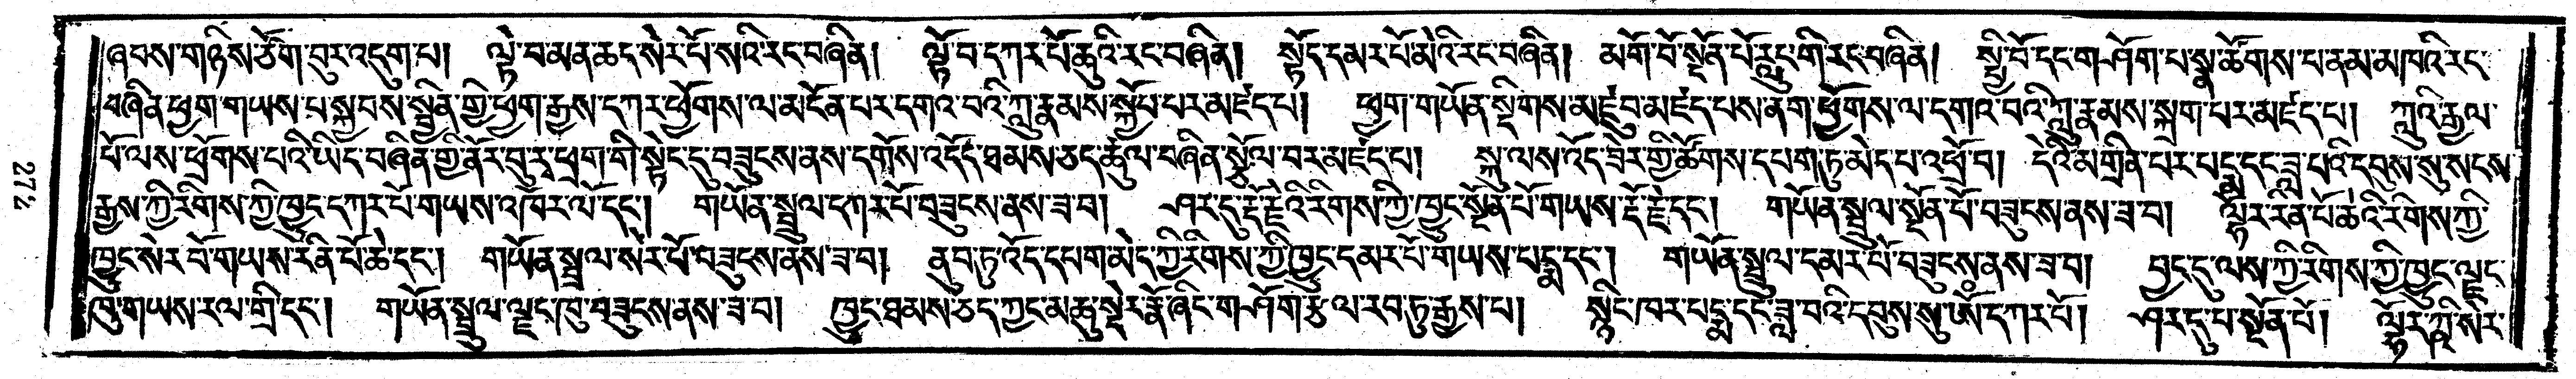ཞབས་གཉིས་ཙོག་བུར་འདུག་པ། ལྟེ་བ་མན་ཆད་སེར་པོ་སའི་རང་བཞིན། ལྟོ་བ་དཀར་པོ་ཆུའི་རང་བཞིན། སྟོད་དམར་པོ་མེའི་རང་བཞིན། མགོ་བོ་སྔོན་པོ་རླུང་གི་རང་བཞིན། སྤྱི་བོ་དང་གཤོག་པ་སྣ་ཚོགས་པ་ནམ་མཁའི་རང་
བཞིན་ཕྱག་གཡས་པ་སྐྱབས་སྦྱིན་གྱི་ཕྱག་རྒྱས་དཀར་ཕྱོགས་ལ་མངོན་པར་དགའ་བའི་ཀླུ་རྣམས་སྐྱོབ་པར་མཛད་པ། ཕྱག་གཡོན་སྡིགས་མཛུབ་མཛད་པས་ནག་ཕྱོགས་ལ་དགའ་བའི་ཀླུ་རྣམས་སྐྲག་པར་མཛད་པ། ཀླུའི་རྒྱལ་
པོ་ལས་ཕྲོགས་པའི་ཡིད་བཞིན་གྱི་ནོར་བུ་རྭ་ཕྲག་གི་སྟེང་དུ་བཟུངས་ནས་དགོས་འདོད་ཐམས་ཅད་ཚུལ་བཞིན་སྩོལ་བར་མཛད་པ། སྐུ་ལས་འདོ་ཟེར་གྱི་ཚོགས་དཔག་ཏུ་མེད་པ་འཕྲོ་བ། དེའི་མགྲིན་པར་པདམ་དང་ཟླ་པའི་དབུས་སུ་སངས་
རྒྱས་ཀྱི་རིགས་ཀྱི་ཁྱུང་དཀར་པོ་གཡས་འཁྲོ་ལོ་དང་། གཡོན་སྤྲུལ་དཀར་པོ་བཟུངས་ནས་ཟ་བ། ཤར་དུ་རྡོ་རྗེའི་རིགས་ཀྱི་ཁྱུང་སྔོན་པོ་གཡས་རྡོ་རྗེ་དང་། གཡོན་སྤྲུལ་སྔོན་པོ་བཟུངས་ནས་ཟ་བ། ལྷོར་རིན་པོ་ཆེའི་རིགས་ཀྱི་
ཁྱུང་སེར་བོ་གཡས་རིན་པོ་ཆེ་དང་། གཡོན་སྦྲལ་སེར་པོ་བཟུངས་ནས་ཟ་བ། ནུབ་ཏུ་འོད་དཔག་མེད་ཀྱི་རིགས་ཀྱི་ཁྱུང་དམར་པོ་གཡས་པདམ་དང་། གཡོན་སྤྲུལ་དམར་པོ་བཟུངས་ནས་ཟ་བ། བྱང་དུ་ལས་ཀྱི་རིགས་ཀྱི་ཁྱུད་ལྗང་
ཁུ་གཡས་རལ་གྲི་དང་། གཡོན་སྤྲུལ་ལྗང་ཁུ་བཟུངས་ནས་ཟ་བ། ཁྱུད་ཐམས་ཅད་ཀྱང་མཆུ་སྡེར་རྣོ་ཞིང་གཤོག་རྩལ་རབ་ཏུ་རྒྱས་པ། སྙིང་ཁར་པདམ་དང་ཟླ་བའི་དབུས་སུ་ཨོཾ་དཀར་པོ། ཤར་དུ་པ་སྔོན་པོ། ལྷོར་ཀྵི་སེར་